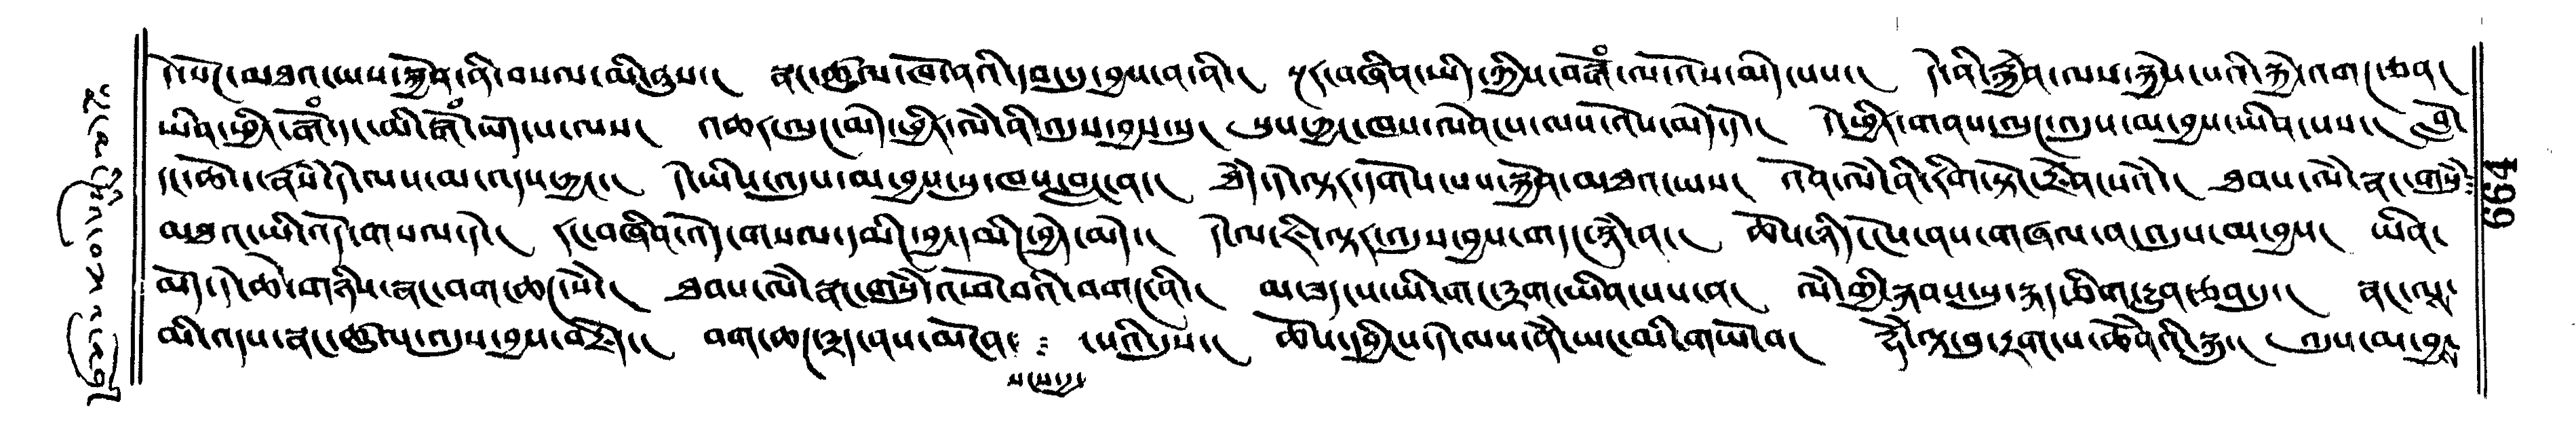།དེ་སོགས་མཐའ་ཡས་སྐྱོན་ནི་བསལ་མི་ནུས། །སྣང་ཚུལ་ཁོ་ནའི་དབང་དུ་བྱས་ན་ནི། །སྔར་བཞིན་ཡིད་ཀྱིས་བསྒོམ་ལ་འོས་མེད་པས། །དེ་ནི་རྐྱེན་ལས་སྐྱེས་པའི་སྐྱེ་འགག་ཅན། །
ཡིན་ཕྱིར་སྒོམ་དང་མི་སྒོམ་ཡོད་པ་ལས། །འཆར་ལུགས་མེད་ཕྱིར་ལམ་ནི་འདུས་བྱས་སུ། །སུས་ཀྱང་ཁས་ལེན་པ་ལས་འོས་མེད་དོ། །དེ་ཕྱིར་གནས་ལུགས་འདུས་མ་བྱས་ཡིན་པས། །བློ་
དང་ཆོས་རྣམས་དེ་ལས་མ་འདས་ཀྱང་། །དེ་ཡིས་འདུས་མ་བྱས་སུ་ཁས་བླང་ན། །ཐམས་ཅད་དེ་ལྟར་དགོས་པས་སྐྱོན་མཐའ་ཡས། །འོན་ཀྱང་ལམ་ནི་རིག་སྟོང་རྗེན་པའམ། །ཐབས་ལམ་སྣང་གསུམ་
མཐའ་ཡི་འོད་གསལ་དེ། །རང་བཞིན་འོད་གསལ་དམིགས་བྱ་དམིགས་བྱེད་མེད། །དེ་ལ་ཇི་ལྟར་འདུས་བྱས་གདགས་སྙམ་ན། །ཆོས་ཉིད་ངོས་ནས་གཞལ་ན་འདུས་མ་བྱས། །ཡིན་
མོད་དེ་ཚེ་གཉིས་སྣང་བག་ཆགས་སམ། །ཐབས་ལམ་སྣང་གསུམ་འཕོ་བའི་བག་ཆགས་ནི། །མ་ཟད་པ་ཡི་གང་ཟག་ཡིན་པས་ན། །ལམ་གྱི་སྐབས་སུ་སྐད་ཅིག་རྒྱུན་ཅན་དུ། །སྣང་ལས་
མི་འདས་སྣང་ཚུལ་འདུས་བྱས་བརྗོད། །བག་ཆགས་ཟད་ནས་མངོན་སངས་རྒྱས་པའི་དུས། །ཆོས་དབྱིངས་དེ་ལས་ནམ་ཡང་མི་གཡོ་བ། །རྡོ་རྗེ་ལྟ་བུ་རྟག་པ་ཆེན་པོའི་སྐུ། །འདུས་མ་བྱས་